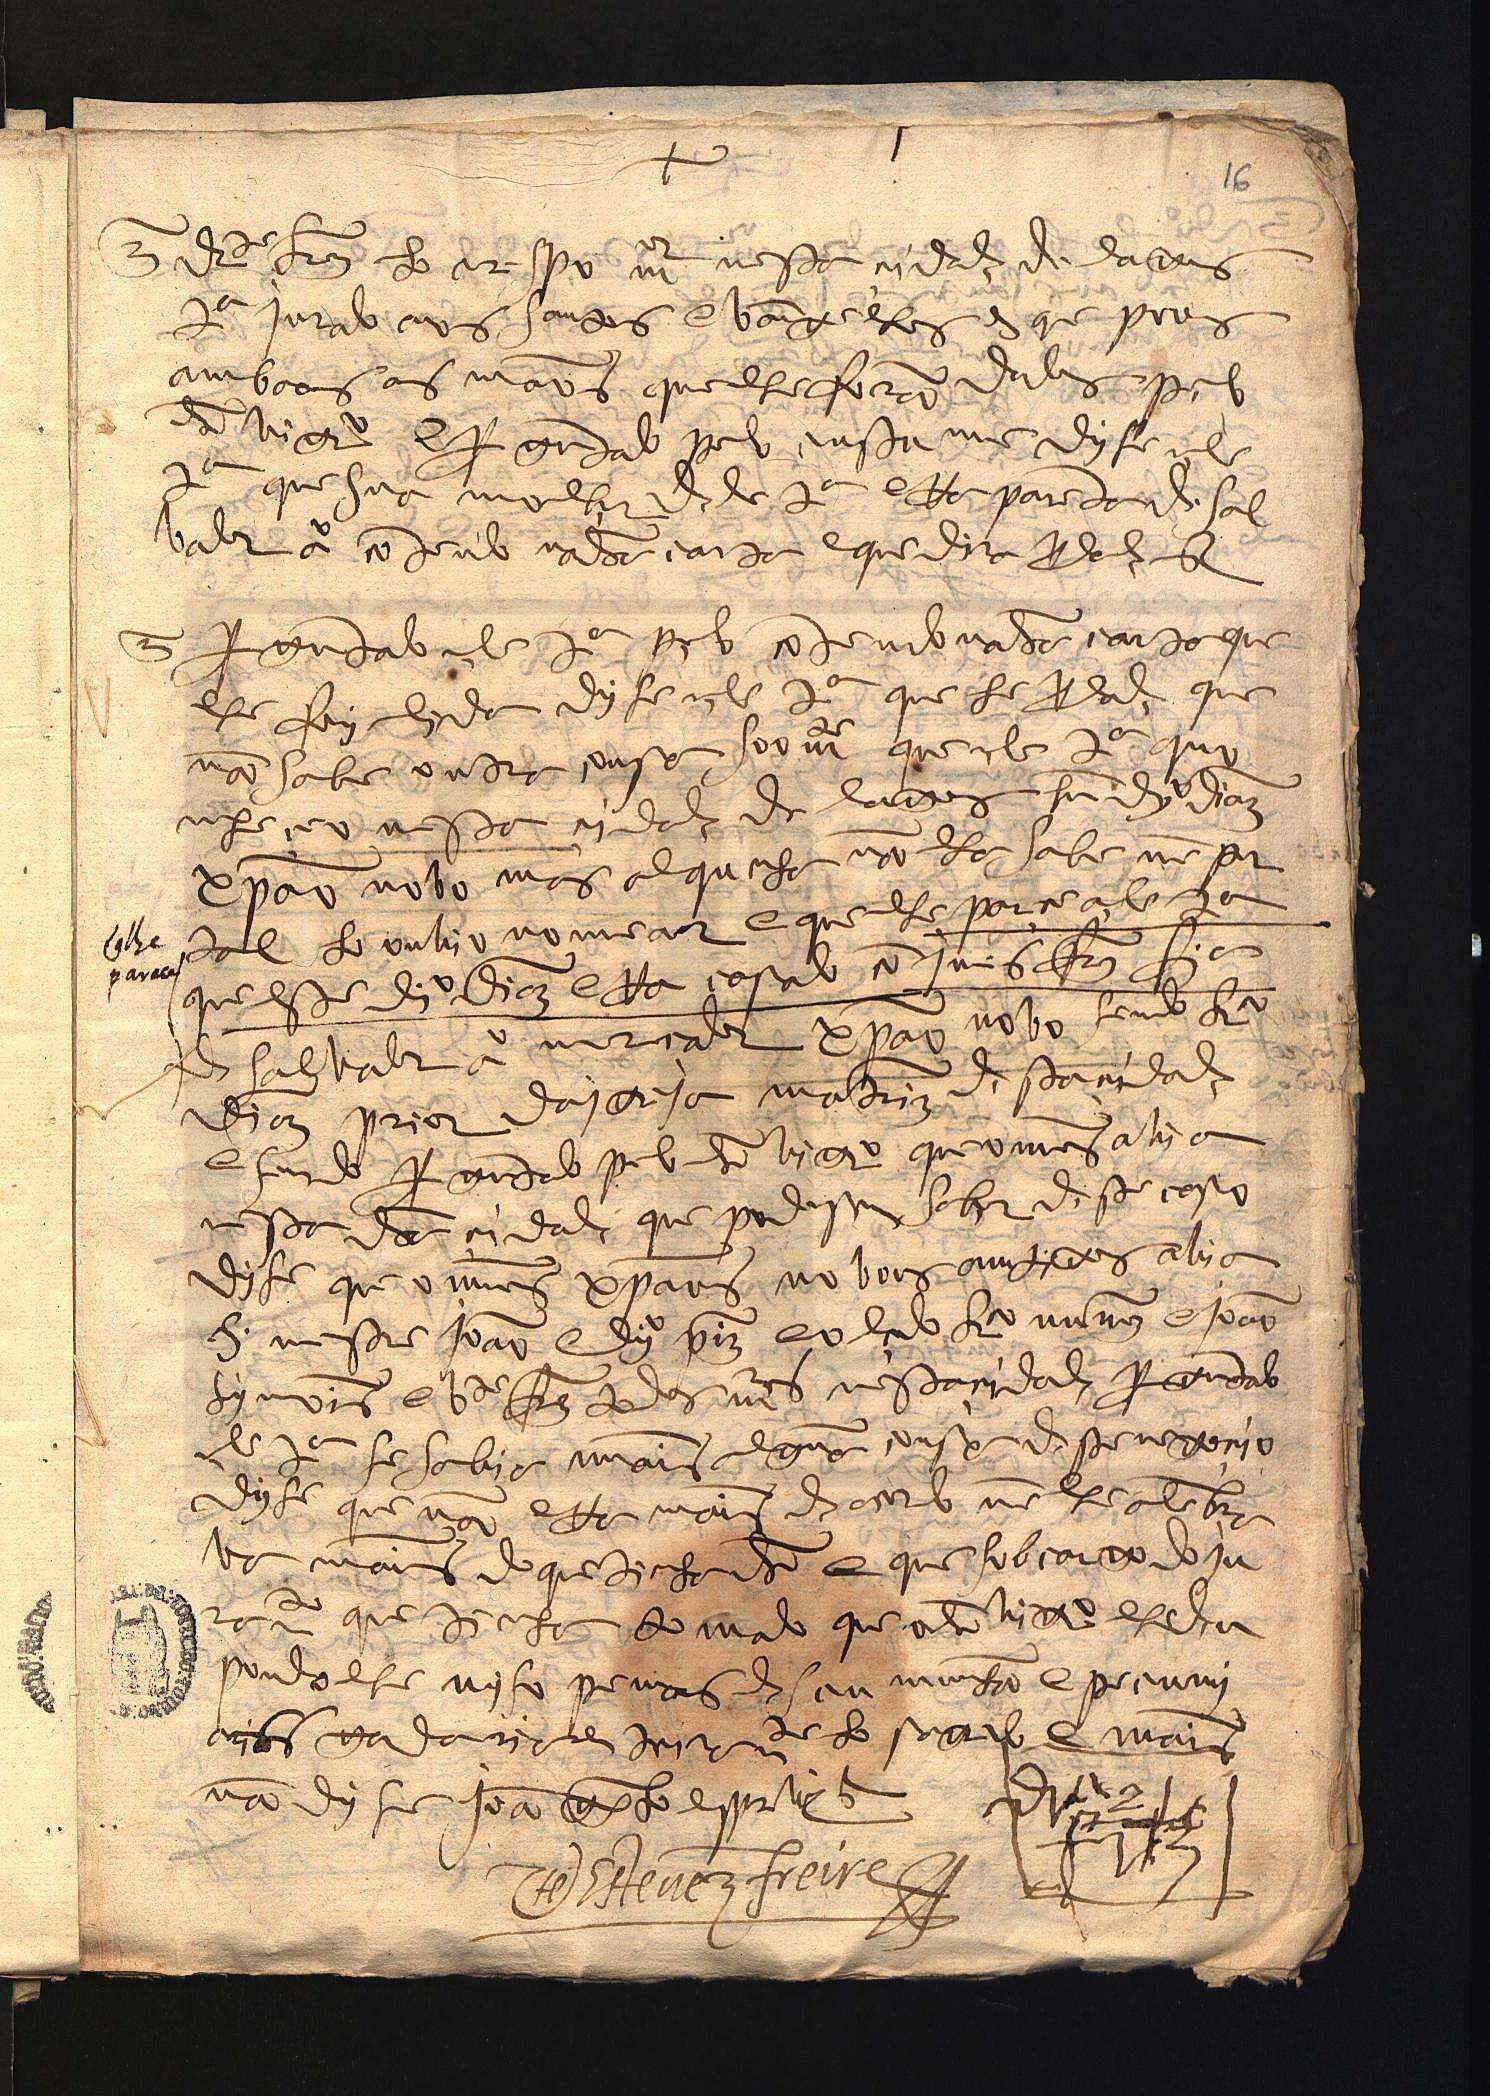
item drte fr̄z ho crespo mor nesta cidade de lagos
ta Jurado aos Santos evāgelhos en qe poos
ambaas as mãos que lhe forão dados pelo
d̄to vigro e ꝑgūtado pelo custume dyse ele
ta que Sua molher dele ta eRa par̄eta de Sal
vador ao cōteudo na d̄ta carta e que dira ꝟdade
item ꝑgūtado ele ta pelo cōteudo na d̄ta carta que
lhe foy lida dyse ele ta que he ꝟdade que
não Sabe outra cousa soomte que ele ta quo
nheçeo nesta çidade de lagos hū dyo d̄iaz
xpão novo mas alqunha não lha Sabe nē por
tal ho ouvio nomear e que lhe parçe a ele ta
que este dyo d̄iaz eRa casado c̄o Jnes f̄rz fja
de Salvador ao mercador xpão novo sendo frco
dīaz prior da jgreJa mat̄riz desta çidade
e Sendo ꝑgūtado pelo d̄to vigro que om̄es avia
nesta dt̄a çidade que podesem Saber deste caso
dyse que om̄es xpãos novoos amtigos avia
.S. mestre João e dyo p̄iz e o lçdo frco nun̄ez e João
symõis e vte f̄rz todos mres nesta çidade ꝑgūtado
ele ta Se Sabia māis algūa cousa deste negoçio
dyse que não eRa māis de acordo nē lhe alēbra
va māis do que tinha d̄to e que Sob cargo do ju
ramto que tinha tomado que o d̄to vigro lhe deu
pondo lhe nyso penas descumunhão e pecuny
arias gardaria ēteiramte ho segredo e māis
não dyse João ḡs ho esprevy
